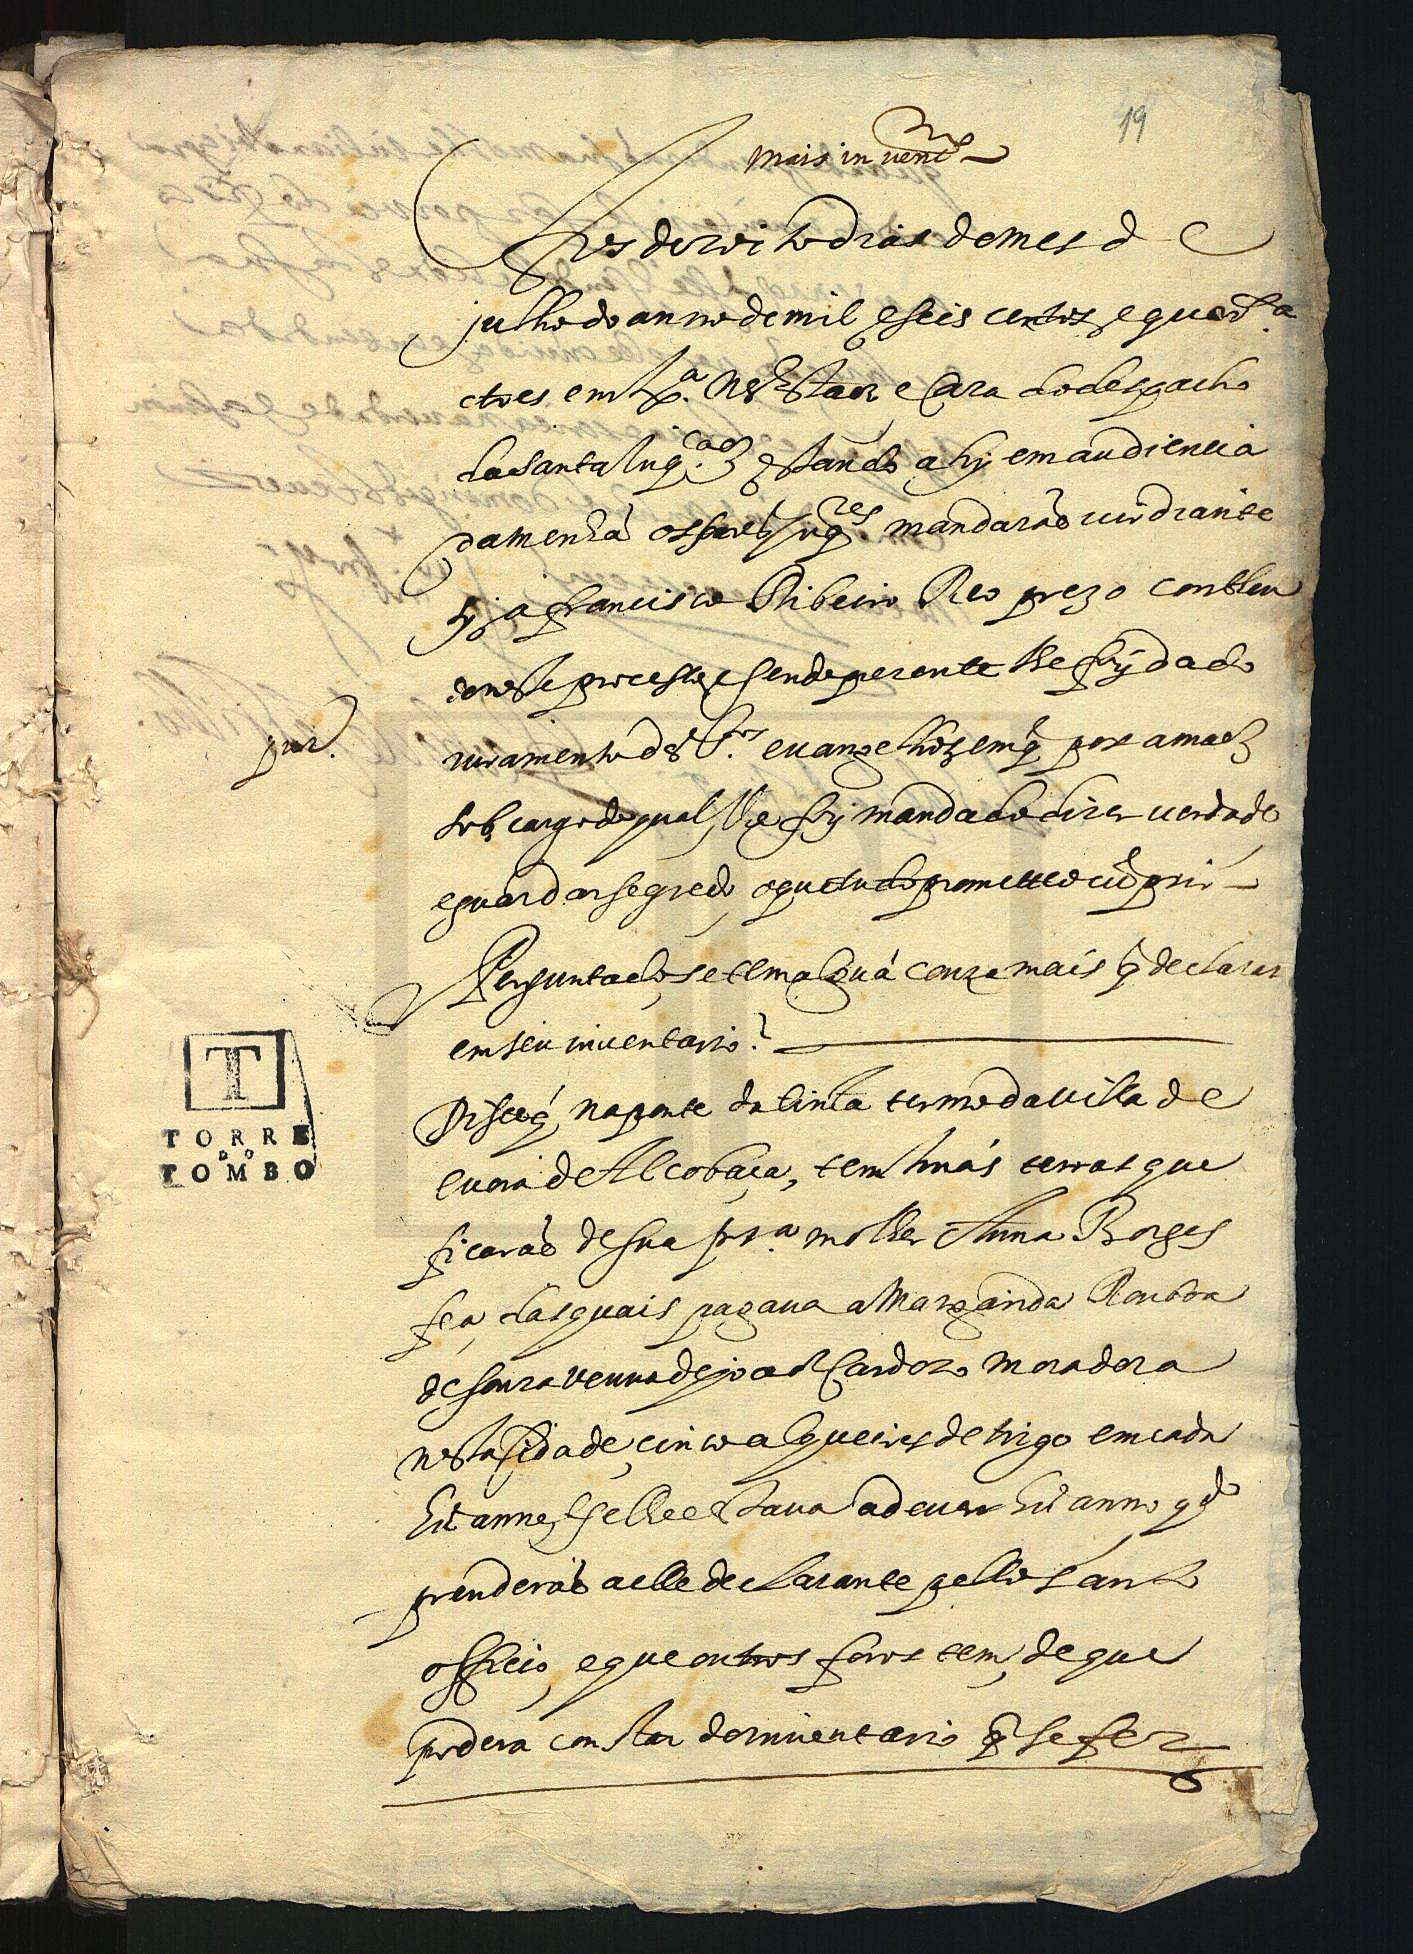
mais inuentro
Aos dezoito dias do mes de
julho do anno de mil e seiscentos, e quar.ta
e tres em Lx.a nos estaos e Caza do despacho
da santa Inq.caõ, estando ahy em audiencia
da menhã os snres̄ Jnqres mandaraõ uir diante
sy, a francisco Ribeiro Reo prezo contheu
do neste processo e sendo prezente lhe foy dado
iuramento dos s.tos euangelhos em q̄ pos a maõ
sob cargo do qual, lhe foy mandado dizer uerdade,
e guardar segredo, o que tudo prometteo cūprir
Perguntado, se tem alguā couza mais pa declarar
em seu inuentario?
Disse q̄ na ponte da tinta termo da uilla de
euora de Alcobaça, tem huas̄ terras que
ficaraõ de sua pr.a molher Anna Borges
fea, das quais pagaua a Margarida Rouboa
de souza veuua de joaõ Cardozo moradora
nesta Cidade, cinco alqueires de trigo em cada
hū anno, E se lhe estaua a deuer hū anno qdo
prenderaõ a elle declarante pello santo
officio, e que outros foros tem, de que
podera constar do inuentario q̄ se fez
jur.
